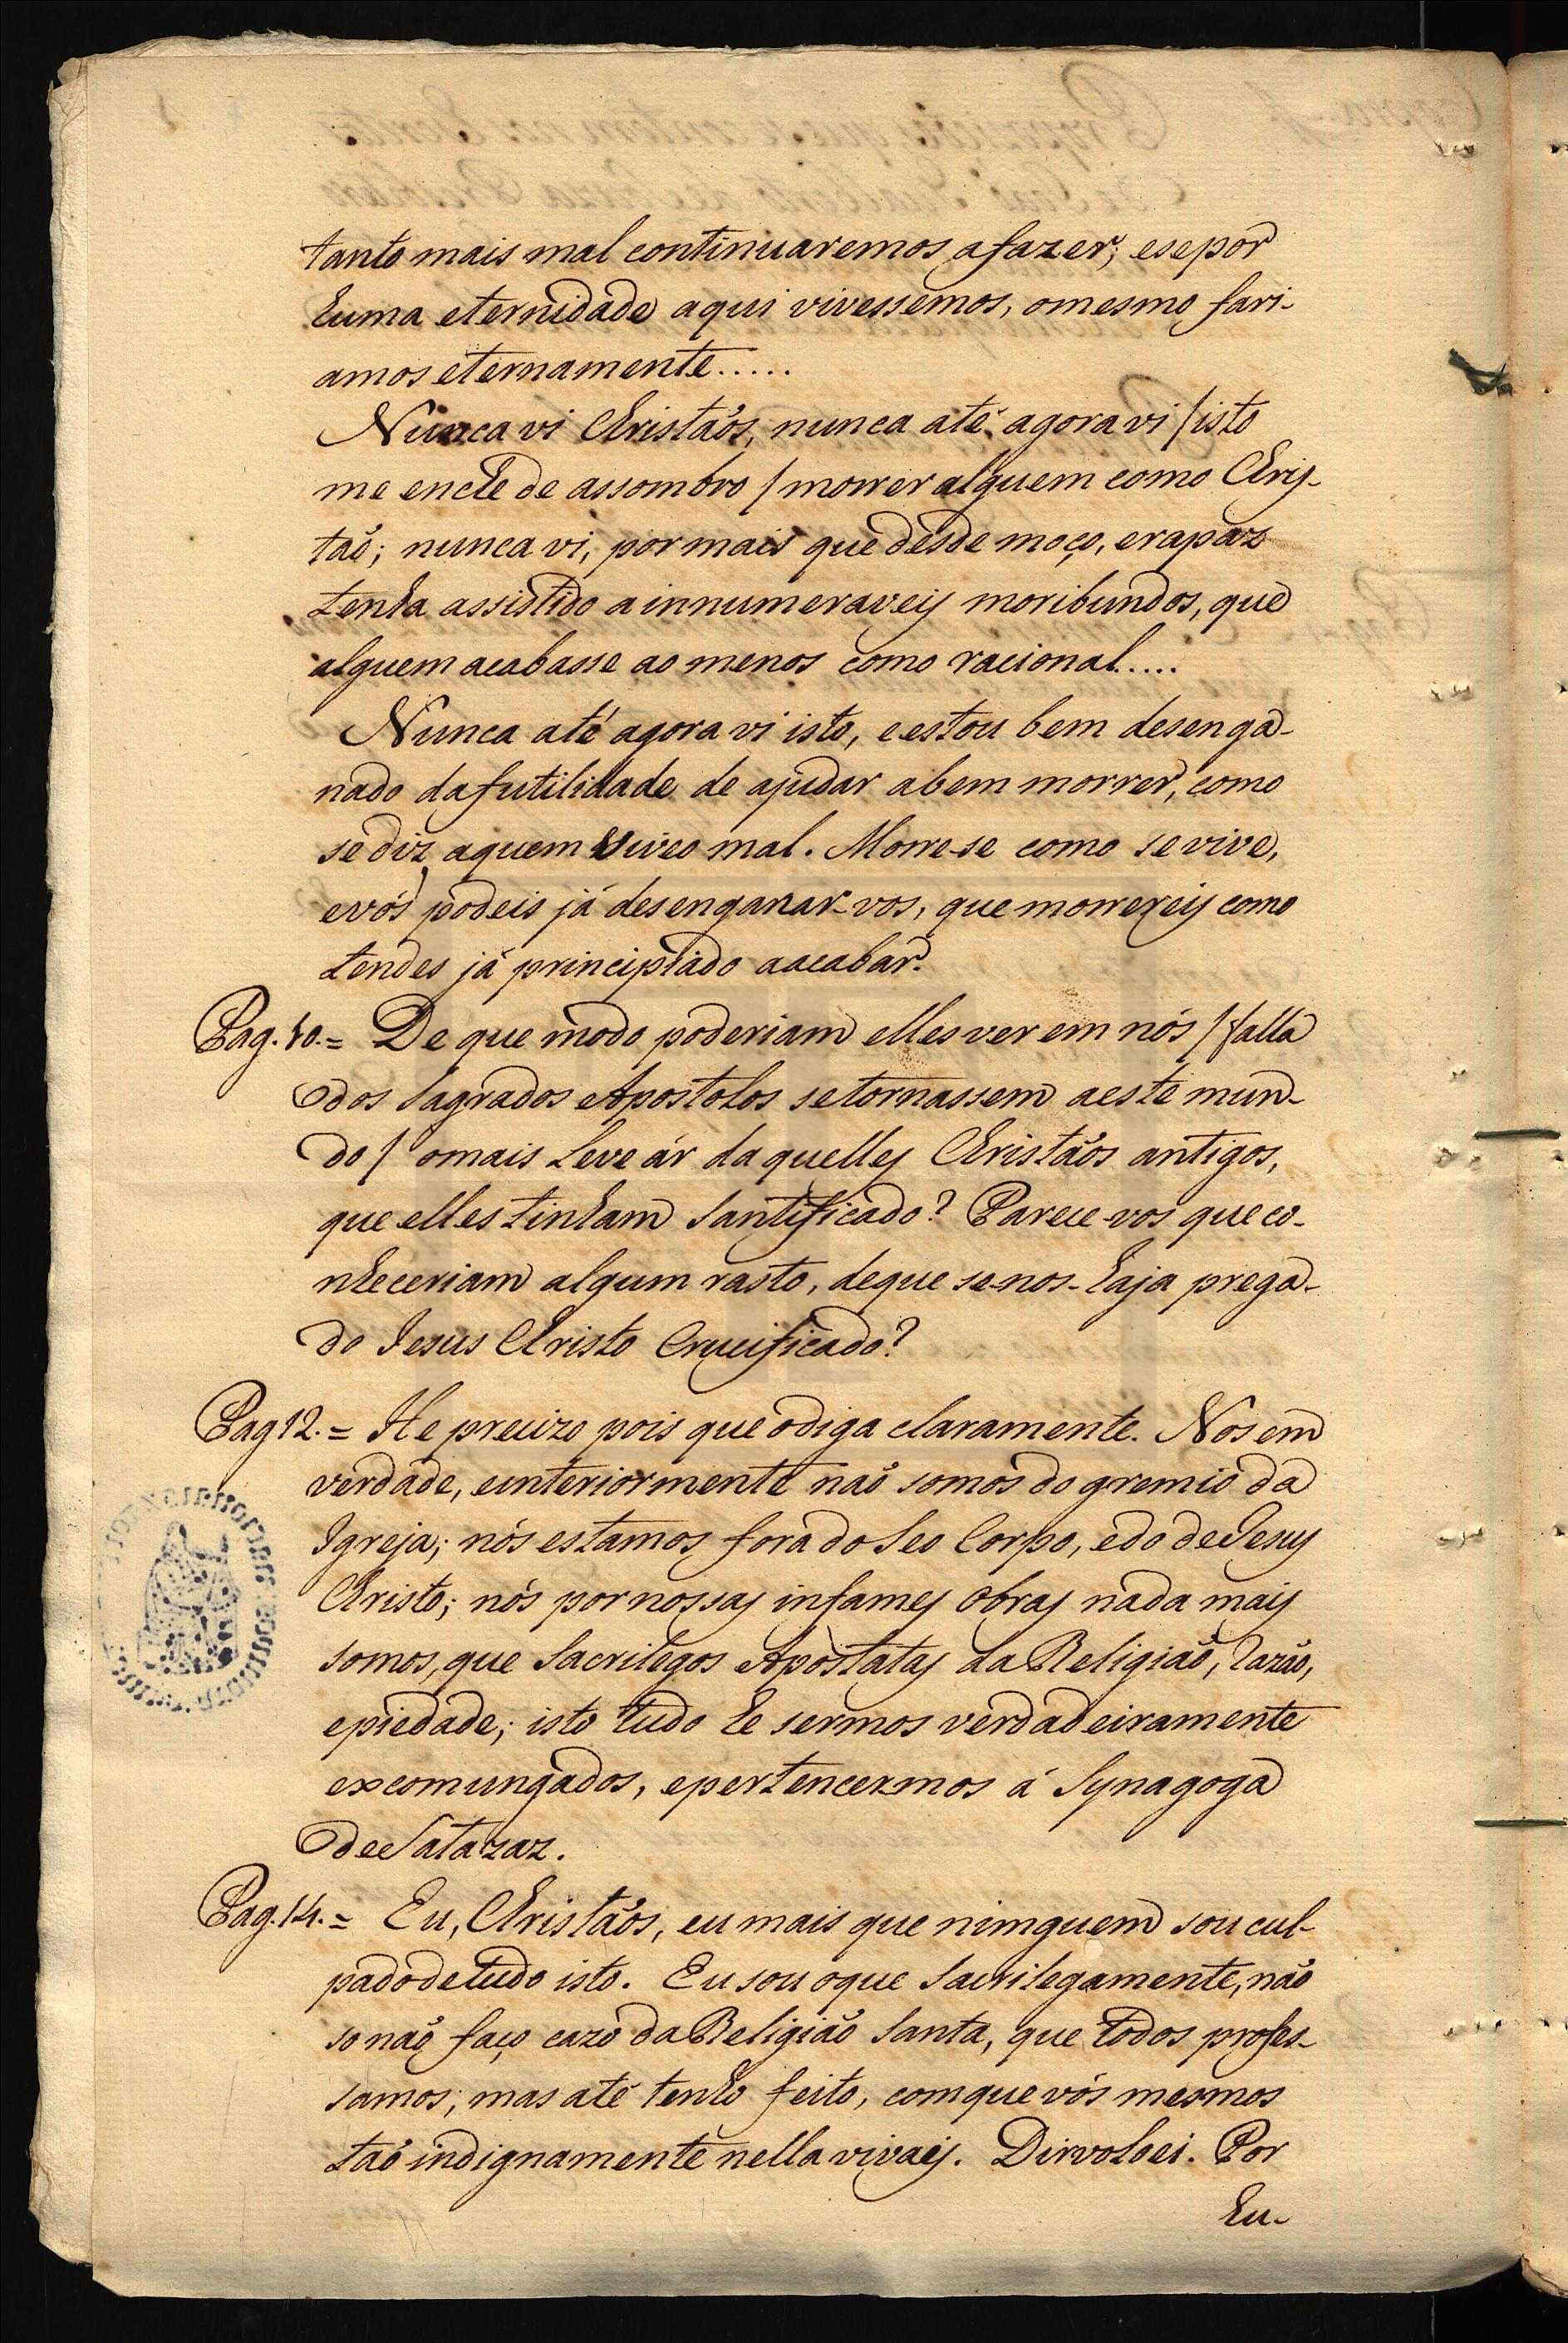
tanto mais mal continuaremos a fazer; e se por
huma eternidade aqui vivessemos, o mesmo fari
amos eternamente.....
Nunca vi christaõs, nunca até agora vi / isto
me enche de assombro / morrer alguem como Chris
taõ; nunca vi, por mais que desde moço, e rapaz
tenha assistido a innumeraveis moribundos, que
alguem acabasse ao menos como racional.....
Nunca até agora vi isto, e estou bem desenga
nado da futilidade de ajudar a bem morrer, como
se diz a quem viveo mal. Morre-se como se vive,
e vós podeis já desenganar-vos, que morrereis como
tendes já principiado a acabar.
Pag.10. = De que modo poderiam elles ver em nós / falla
dos Sagrados ApostoLos se tornassem a este mun
do / o mais Leve ár daquelles Christãos antigos,
que elles tinham Santificado? Parece vos que co
nheceriam algum rasto, de que se-nos-haja prega
do Iesus Christo Crucificado?
Pag 12. = He precizo pois que o diga claramente. Nos em
verdade, e interiormente naõ somos do gremio da
Igreja; nós estamos fora do Seo Corpo, e do de Iesus
Christo; nós por nossas infames obras nada mais
somos, que Sacrilegos Apostatas da Religiaõ, Razaõ,
e piedade; isto tudo he sermos verdadeiramente
excomungados, e pertencermos á Synagoga
de Satazaz.
Pag. 14. = Eu, Christaõs, eu mais que nimguem sou cul
pado de tudo isto. Eu sou o que Sacrilegamente, naõ
so naõ faço cazo da Religiaõ Santa, que todos profes
samos; mas até tenho feito, com que vós mesmos
taõ indignamente nella vivais. DirvoLoei. Por
Eu
